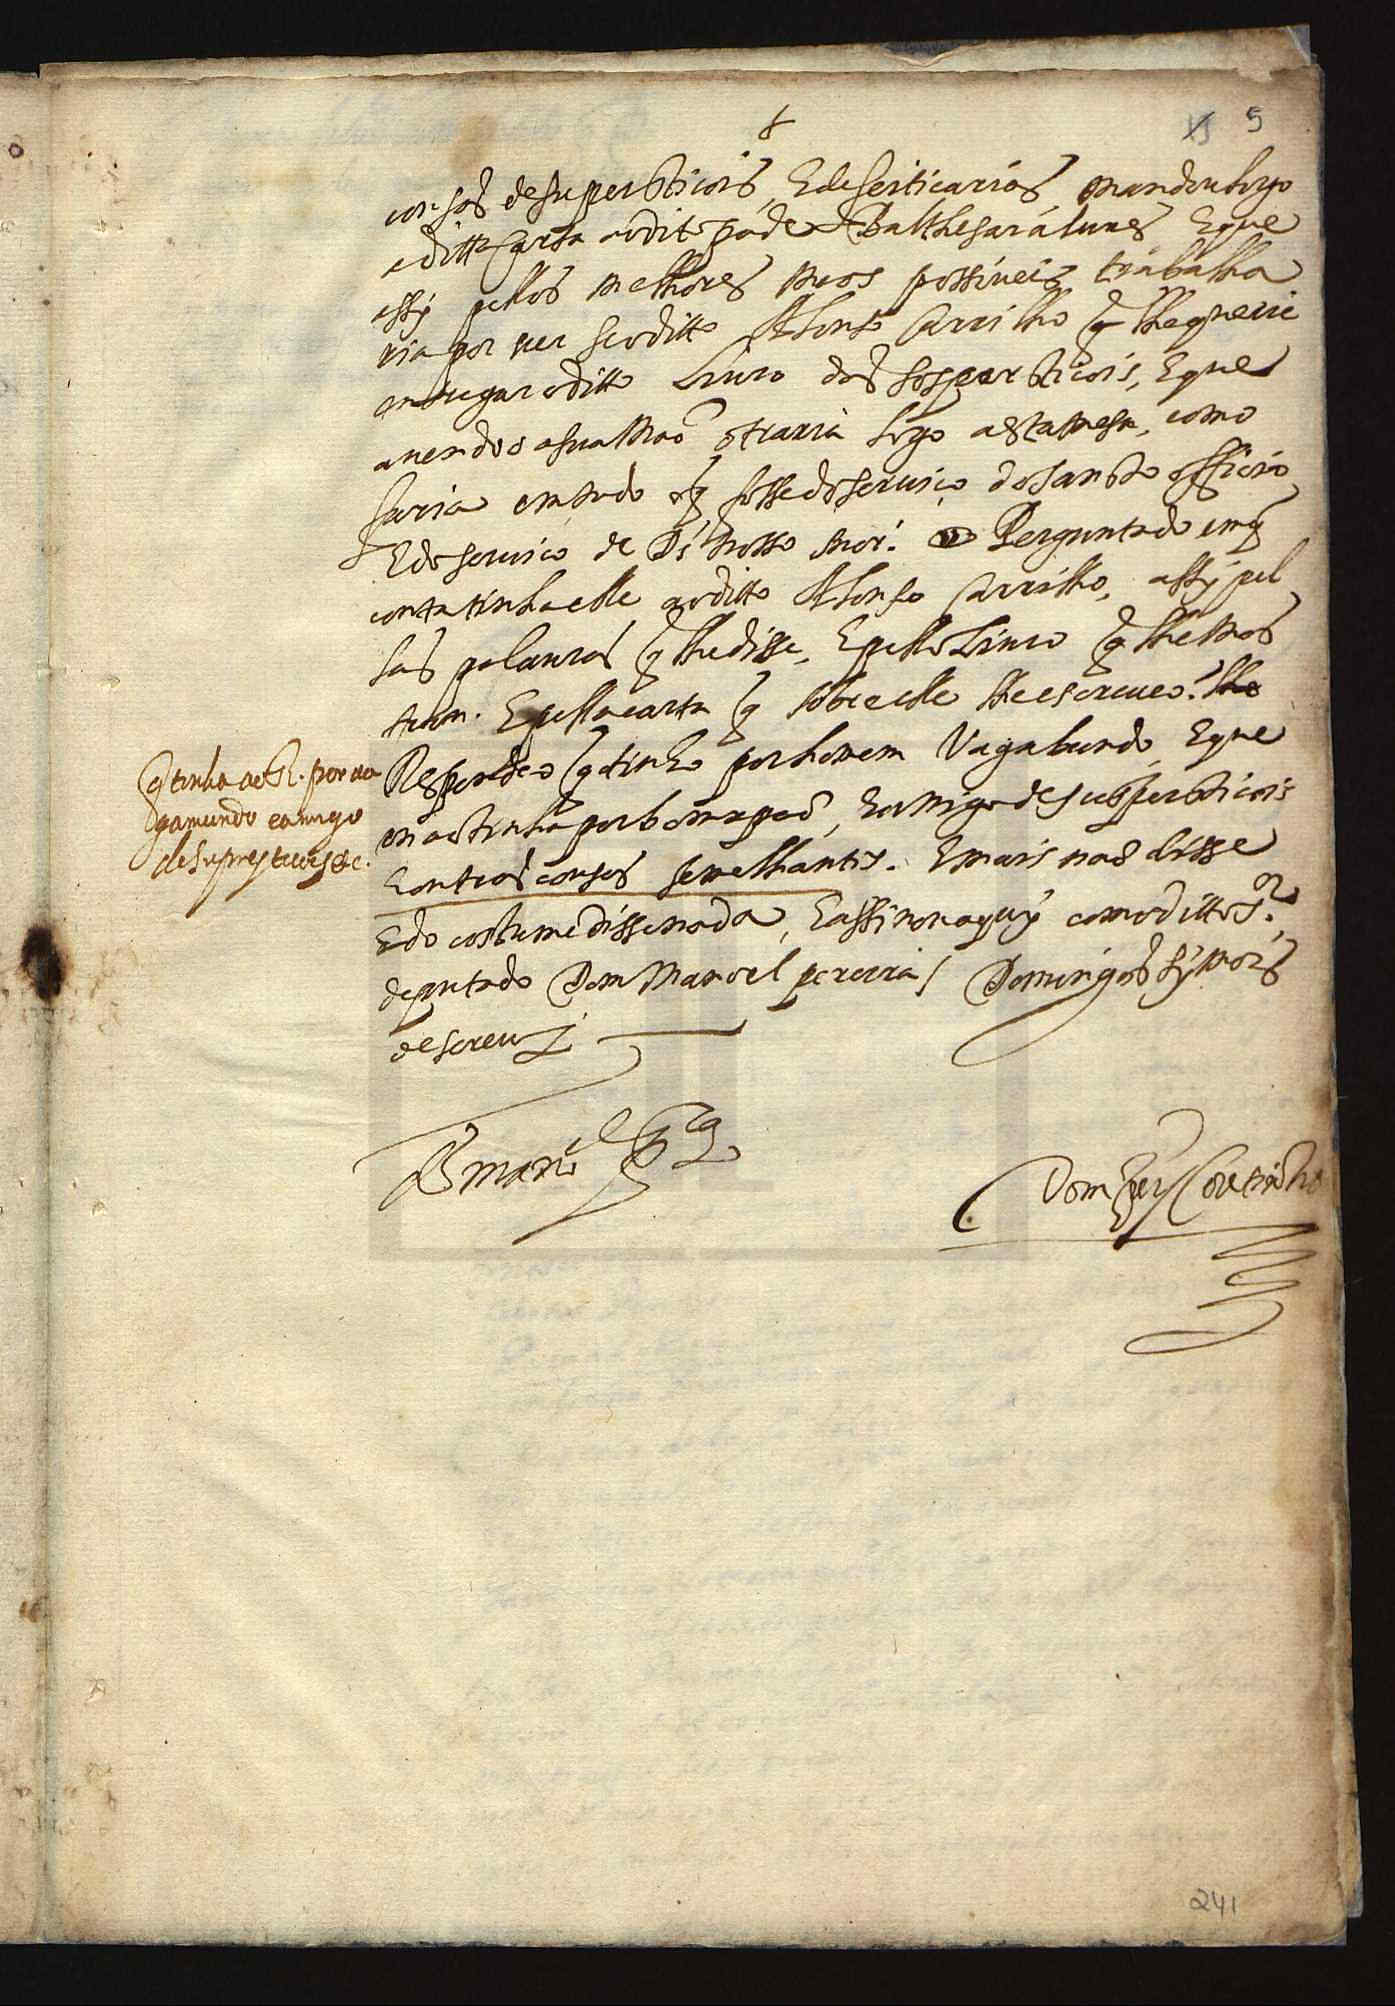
q̄ tinha ao R. por ua
gamundo e amigo
de supresteções &c.
cousas de superstiçois, E de feitiçarias, mandou logo
a ditta Carta ao dito pade Balthesar alures E que
assy pellos melhores meos possiueis trabalha
ria por uer se o ditto Alonso Carrilho q̄ lhe queria
entregar o ditto Liuro das sospertiçois, E que
auendoo a sua maõ o traria logo a esta mesa, como
faria em tudo o q̄ fosse do seruiço do sancto officio
E do seruiço de Ds̄ nosso snor̄. ⁋ Perguntado em q̄
conta tinha elle ao ditto Alonso Carrilho, assy pel
las palauras q̄ lhe disse, e pello Liuro q̄ lhe mos
trou. E pella carta q̄ sobre elle lhe escreueo? lle
Respondeo q̄ o tinho por homem Vagabundo, E que
o naõ tinha por bom xpaõ, E amigo de susperstiçois
E outras cousas semelhantes. E mais naõ disse
E do costume disse nada, E assinou aquy com o ditto s.or
deputado Dom Manoel pereira / Domingos symoĩs
o escreuj
dō manoel pra
Dom Luis Coutinho
